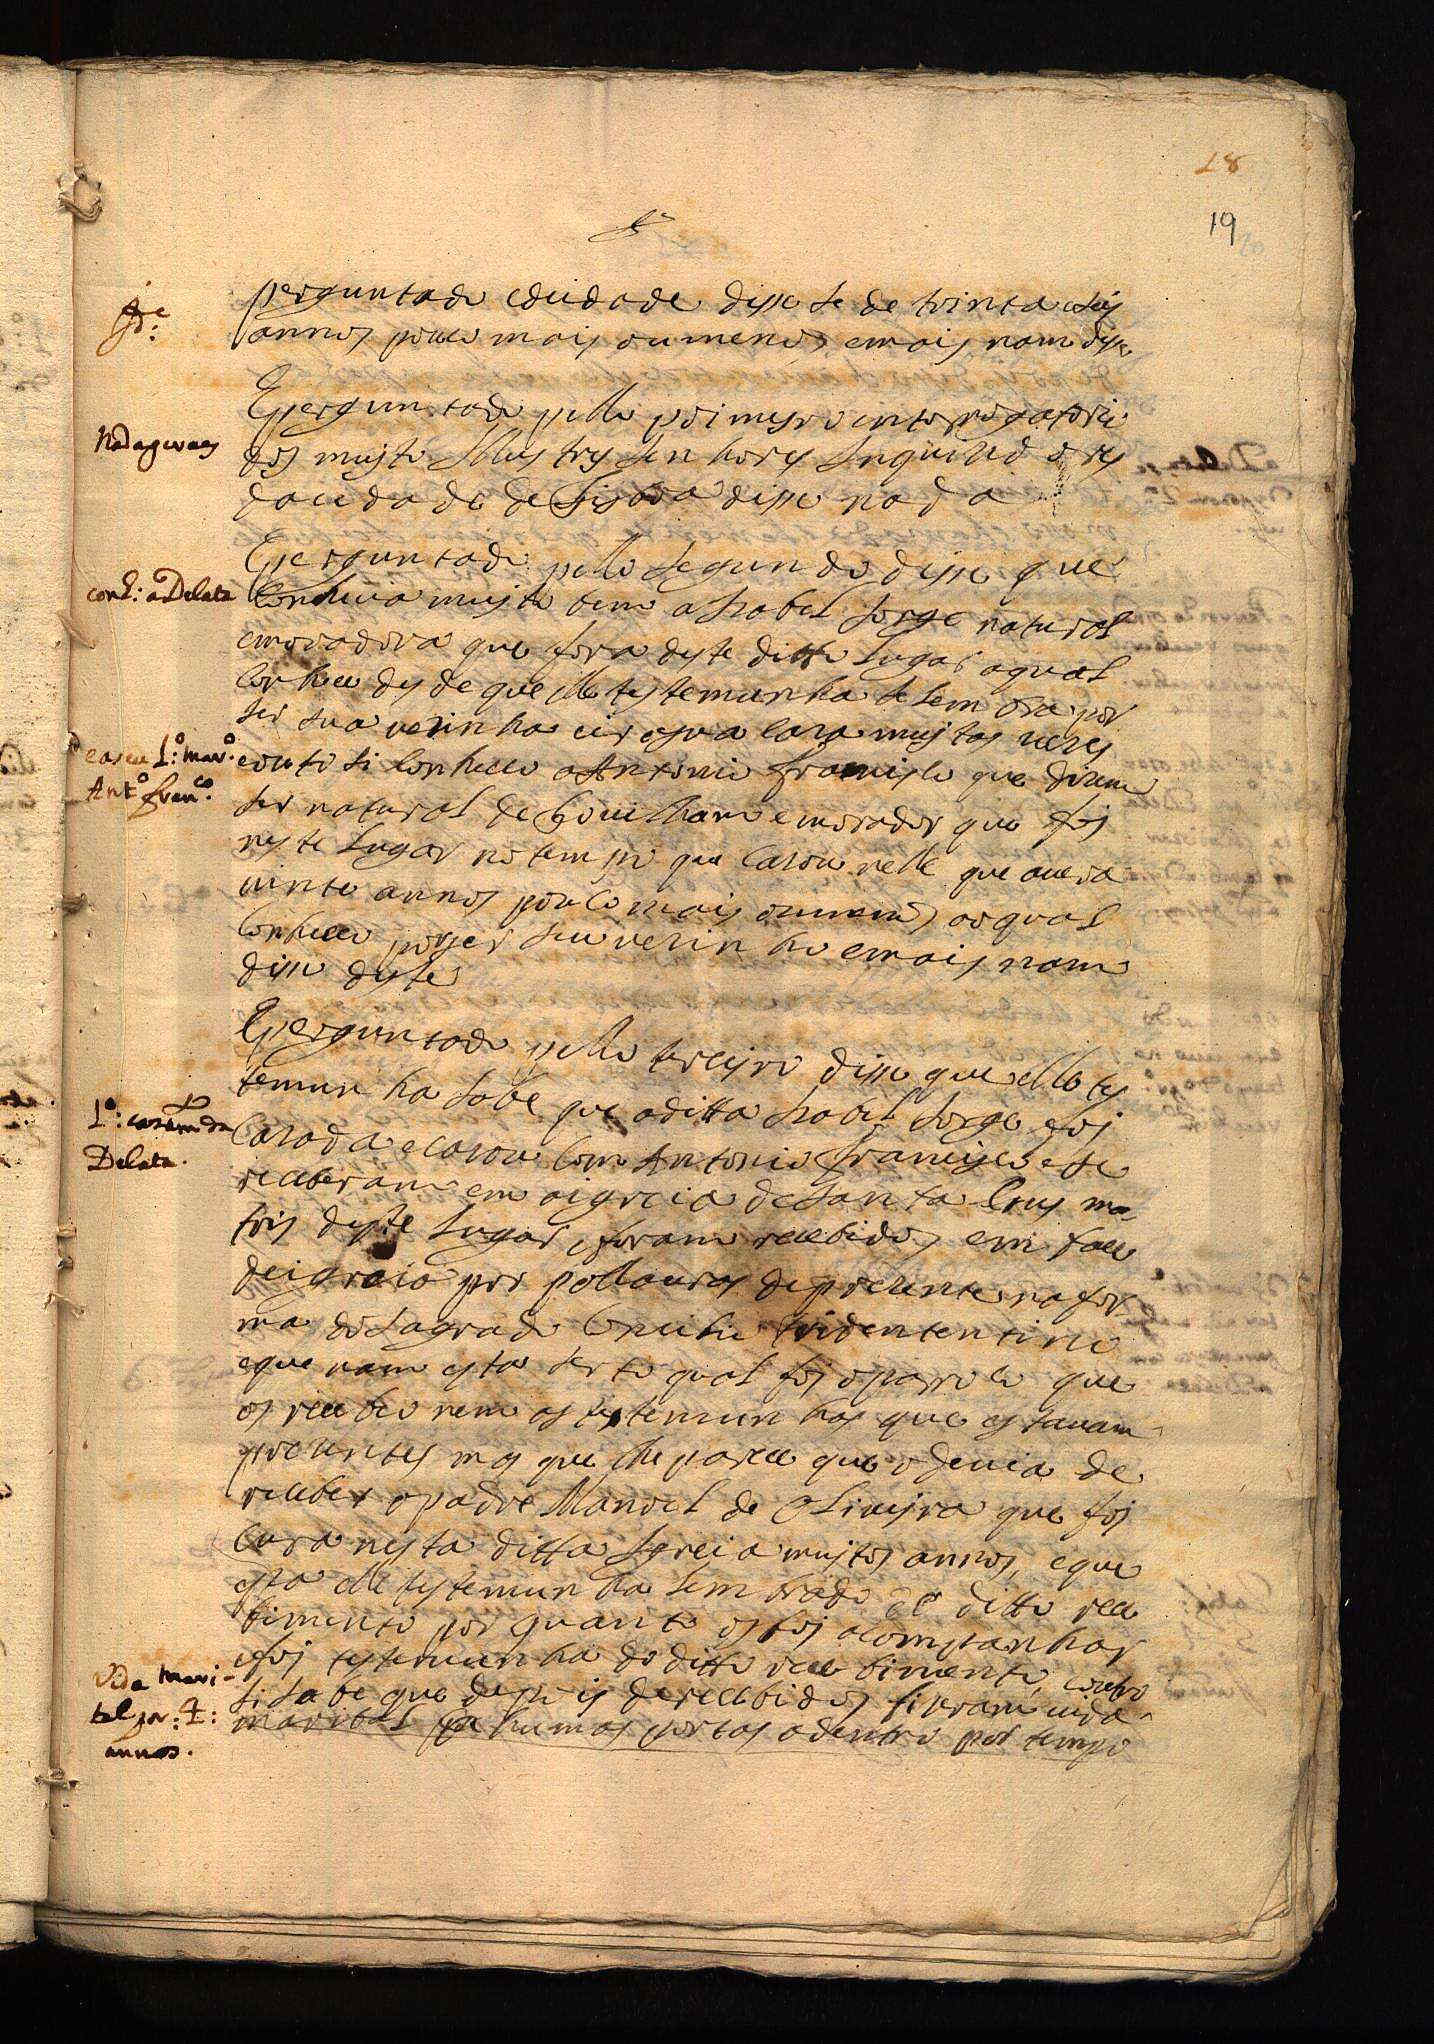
perguntado e de idade disse se de trinta e seis
annos pouco mais ou menos e mais nam disse
E perguntado pello primejro interrogatorio
dos muito Illustres senhores Inquizidores
da cidade de Lisboa disse nada
E perguntado pello segundo disse que
conhecia mujto bem a Jzabel Jorge natural
e moradora que fora deste ditto Lugar a quaL
conhece desde que elle testemunha se lembra por
ser sua uezinha e ir a sua caza mujtas uezes
e outosi conheceo a Antonio francisco que dizem
ser natural de Couilham e morador que foj
neste Lugar no tempo que cazou nelle que auera
uinte annos pouco mais ou menos ao qual
conheceo por ser seu uezinho e mais nam
disse deste
E perguntado pello tercejro disse que elle tes
temunha sabe que a ditta Izabel Iorge foi
cazada e cazou com Antonio francisco e se
receberam em a igreia de santa Crus ma
tris deste Lugar e foram recebidos em face
de igreia por pallauras de prezente na for
ma do sagrado Concilio tridententino
e que nam esta serto qual foi o parroco que
os recebeo nem as testemunhas que estauam
prezentes mas que lhe parece que o deuia de
receber o padre Manoel de Oliueira que foi
cura nesta ditta Igreia a muitos annos, e que
esta elle testemunha lembrado do ditto rece
bimento por quanto os foi acompanhar
e foi testemunha do ditto recebimento, e outro
si sabe que depois de recebidos tiveram uida
marital _ humas portas adentro por tempo
Jd:e
Nada geraes
conh: a Delata
e a seu 1:o maro.
Anto franco.
1o: cazamto da
Delata.
Vida mari
tal por :4:
annos.
